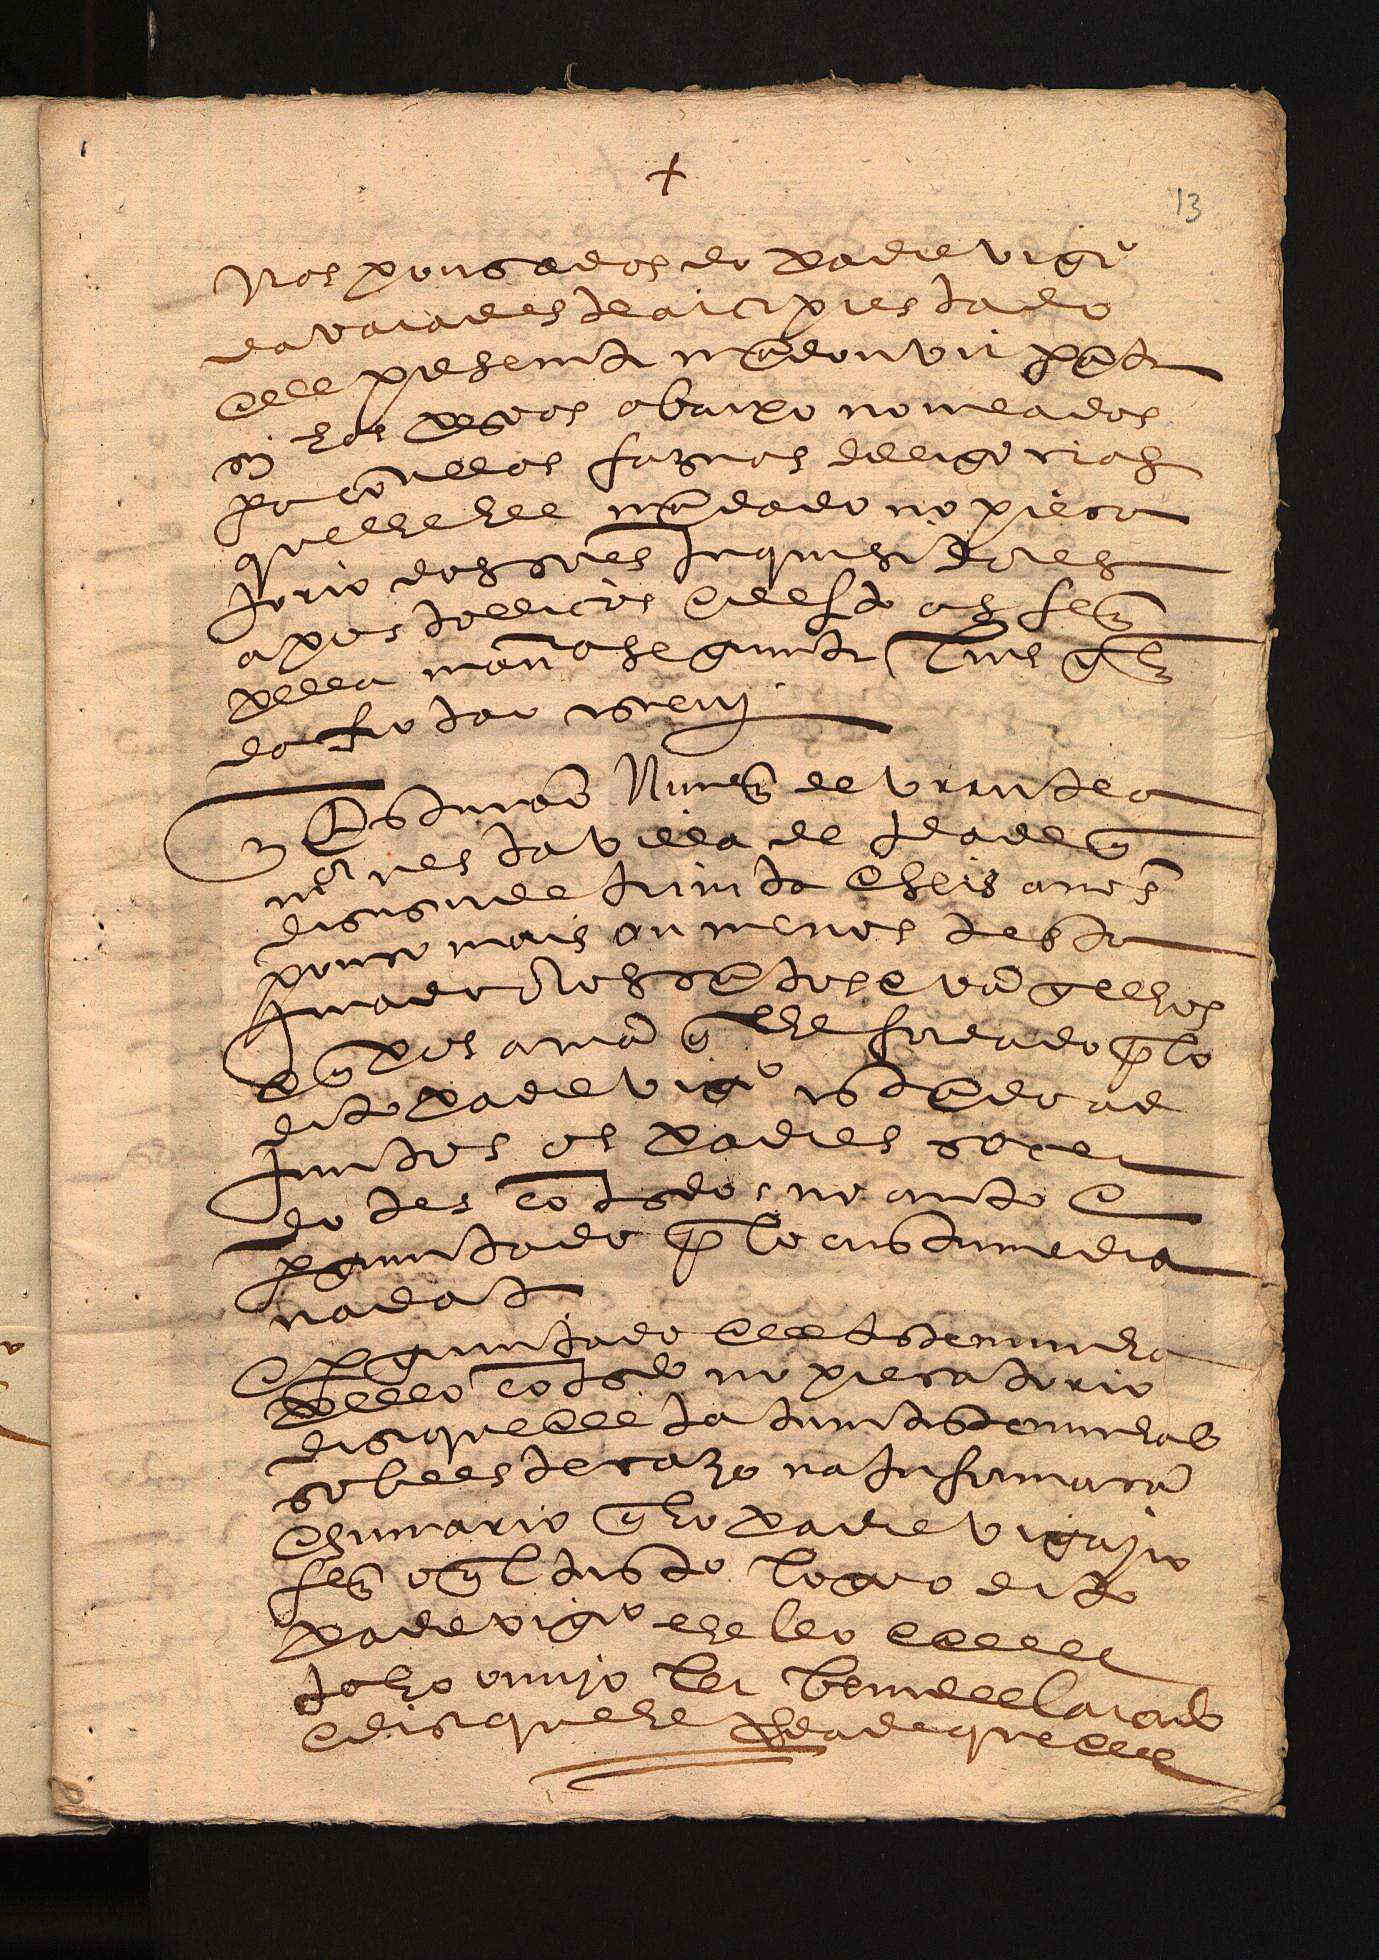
nas pousadas do padre vigr.o
tavares do arciprestado
elle presemte mādou vir ꝑāte
sy has pesoas abaixo nomeados
ꝑa cō ellas fazer as dilligēcias
que lhe hee mādado no preca
torio dos sor̄es Jnquisidores
apostollicos e defto as fez̄
pella manra seguinte luis gl̄z
da frota o escreuj
item Esteuaõ Nunez de vimte a
mor nesta villa de Jdade q̄
dise ser de trimta e seis anos̄
pouco mais ou menos testa
Jurado Aos sātos evāgelhos
ē q̄ pos a mā q̄ lhe foi dado p̄lo
dito padre vigo estādo ad
Juntos os padres sacer
dotes c̄otados no auto e
ꝑgumtado p̄lo custume dise
nada
e ꝑgumtado elle testemunha
pello cōtado no precatorio
dise que ele ta tem testemunhado
sobre este cazo na Jnformaçā
e sumario q̄ ho padre vigajro
fez o q̄l testo loguo dito
padre vigro lhe leo e e elle
ta ho ouujo ler bem declarado
e dise que he ꝟdade que elle
